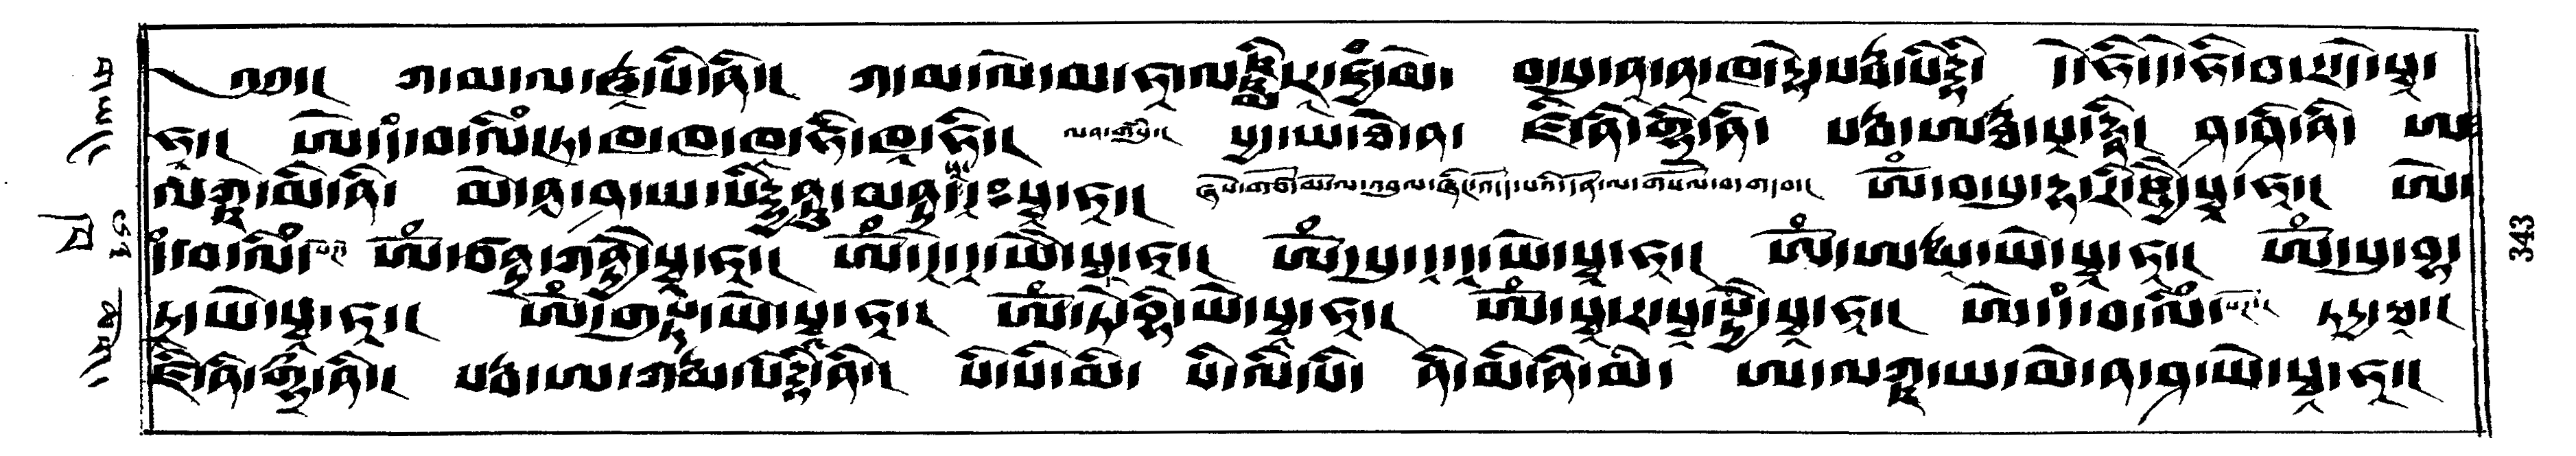ཀ་མ་ལ་ཝཱ་སི་ནི། ཀ་མ་ལེ་མ་ཧཱ་ལར་ཤེ་མི་རཱ་ཛྱཾ་མེ། བ་སུ་ནཱ་ནཱ་ཁ་དྷེ་སརྦ་སིདྡྷི། དེ་ཧི་དེ་ཧི་བ་ར་དེ་སྭ་
ཧཱ། ཨེ་དཾ་བ་ལིང་ཏ་ཁ་ཁ་ཁཱ་ཧི་ཁཱ་ཧི། ལན་གསུམ། སད་ཡ་ཐེ་ན། ཛི་ནི་གྷྲི་ནི། སརྦ་ཨརྠ་པཱ་དྷྣི། ཤ་ཤི་ནི། ཨ་
ལཀྵ་མི་ནི། མེ་ནཱ་ཤ་ཡ་སིདྡྷྱནྟུ་མནྟྲ་པཱ་དཱསྭ་ཧཱ། ཞེས་གཙོ་མོ་ལ་འབུལ་ཞིང་འདོད་པའི་དོན་ལ་གསོལ་བ་གདབ། ཨོཾ་བ་སུ་དྷ་རི་ཎྱཻ་སྭ་ཧཱ། ཨེ་
དཾ་བ་ལིཾ་སོགས། ཨོཾ་སནྟྲ་ཀནྡྱཻ་སྭ་ཧཱ། ཨོཾ་དཱ་དཱ་ཡེ་ཤེས་སྭ་ཧཱ། ཨོཾ་སུ་དཱ་དཱ་ཡེ་སྭ་ཧཱ། ཨོཾ་ཨརྻ་ཡེ་སྭ་ཧཱ། ཨོཾ་སུ་བྷ་
ཏྲ་ཡེ་སྭ་ཧཱ། ཨོཾ་གུཏ་ཡེ་སྭ་ཧཱ། ཨོཾ་ཏེ་བྷི་ཡེ་སྭ་ཧཱ། ཨོཾ་སྭ་ར་སྭ་སྟྱེ་སྭ་ཧཱ། ཨེ་དཾ་བ་ལིཾ་སོགས། ཏདྱ་ཐཱ་
ཛི་ན་གྷྲྀ་ནི། སརྦ་ཨ་ཀརྨ་སིདྡྷི་ནི། སི་སི་མི། སི་ལི་སི། ནི་མི་ནི་མི། ཨ་ལཀྵ་ཡ་མེ་ན་ཤ་ཡེ་སྭ་ཧཱ།